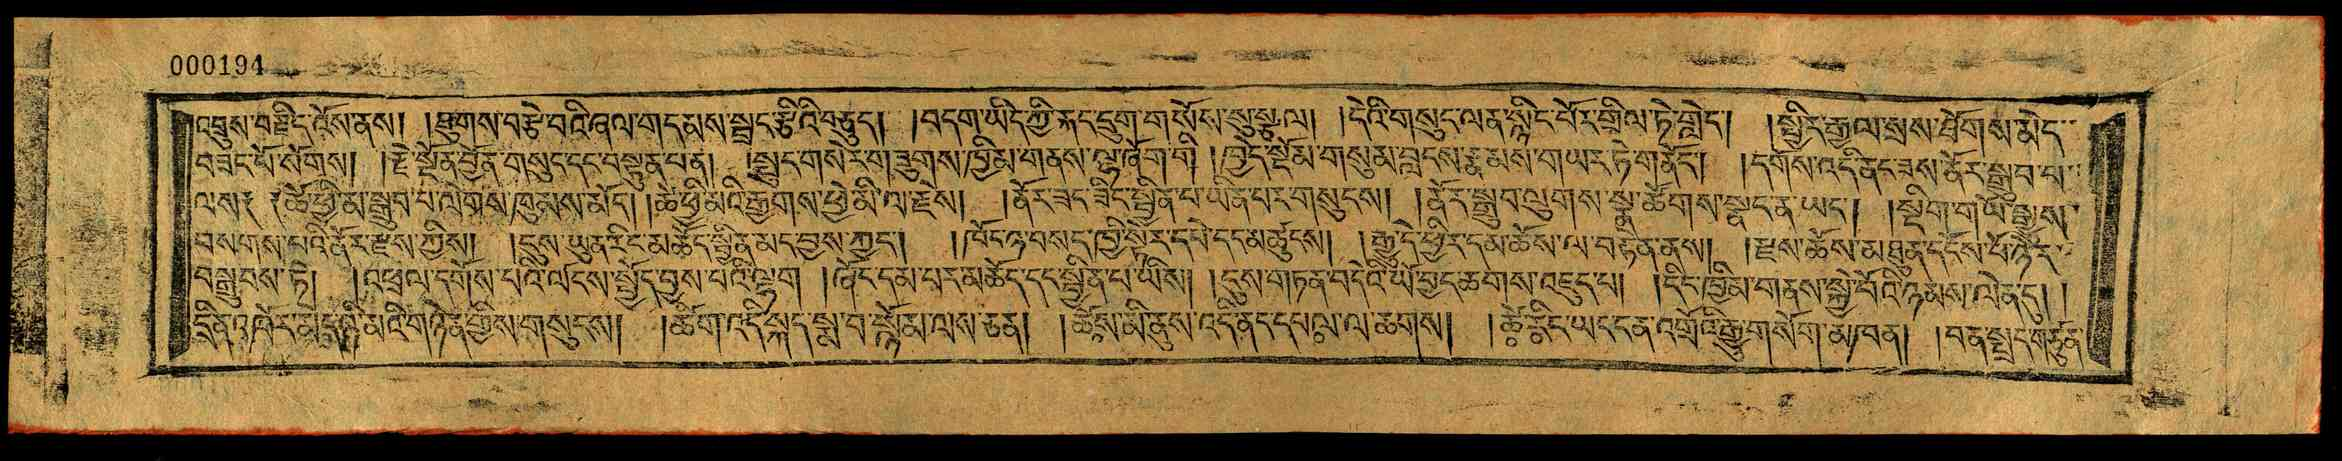འབྲུས་བརྗིད་ངོས་ནས། །ཐུགས་བརྩེ་བའི་ཞལ་གདམས་སྦྲང་རྩིའི་བཅུད། །བདག་ཡིད་ཀྱི་རྐང་དྲུག་གསོས་སུ་སྩལ། །དེའི་གསུང་ལན་སྙིང་པོར་གྲིལ་ཏེ་གླེང་། །སྤྱིར་རྒྱལ་སྲས་ཐོགས་མེད་
བཟང་པོ་སོགས། །རྗེ་སྔོན་བྱོན་གསུང་དང་བསྟུན་པ་ན། །སྦྲང་གསེར་གསུགས་ཁྱིམ་གནས་ལྟ་ཞོག་གི། །ཁྱེད་སྡོམ་གསུམ་བླངས་རྣམས་གཡང་ཏེ་གནོད། །དགོས་འདི་ནང་ཟས་ནོར་སྒྲུབ་པ་
ལས༑ ༑ཚེ་ཕྱི་མ་སྒྲུབ་པ་ལེགས་ཁུམས་མོད། །ཚེ་ཕྱི་མའི་རྒྱགས་ཕྱེ་མི་ལ་རྗེས། །ནོར་ཟང་ཟིང་སྦྱིན་པ་ཡིན་པར་གསུངས། །ནོར་སྒྲུབ་ལུགས་སྣ་ཚོགས་སྣང་ན་ཡང་། །སྡིག་གཡོ་སྒྱུས་
བསགས་པའི་ནོར་རྫས་གྱིས། །དུས་ཡུན་རིང་མཆོད་སྦྱིན་མང་བྱས་ཀྱང་། །ཁོང་ཉ་བསད་ཁྱི་སྟེར་དཔེ་དང་མཚུངས། །རྒྱུ་དེ་ཕྱིར་དམ་ཆོས་ལ་བརྟེན་ནས། །རྫས་ཆོས་མཐུན་དངོས་པོ་ཉེར་
བསྒྲུབས་ཏེ། །འཕྲལ་དོགས་པའི་ལོངས་སྤྱོད་བྱས་པའི་ལྷག །ཞིང་དམ་པར་མཆོད་དང་སྦྱིན་པ་ཡིས། །དུས་གཏན་བདེའི་ཡོ་བྱད་ཆགས་འཇུད་པ། །དེང་ཁྱིམ་གནས་སྐྱེ་བོའི་ཉམས་ལེན་དུ། །
དྲིན་འཁོར་མེད་ཉི་མའི་གཉེན་གྱིས་གསུངས། །ཚིག་འདི་སྐད་སྨྲ་བ་སྙོམ་ལས་ཅན། །ཆོས྾་མི་ནུས་འདི་ནང་དཔལ྾་ལ་ཆགས། །ཚེ྾་རིང྾་ཡང་ངན་འགྲོའི་རྒྱུ་གསོག་མཁན། །བན་སྤྲང་བཙུན་